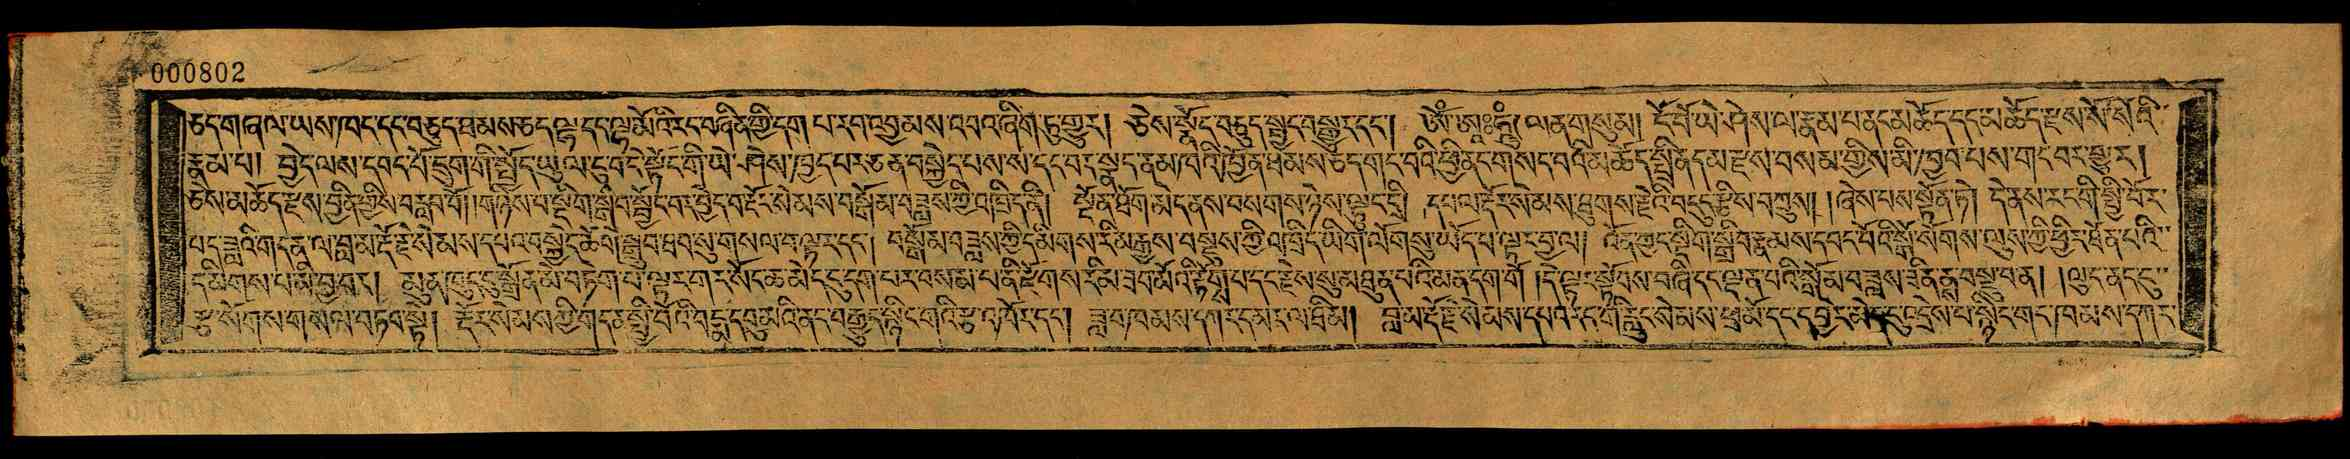ཅད་གཞལ་ཡས་ཁང་དང་བཅུད་ཐམས་ཅད་ལྷ་དང་ལྷ་མོའི་རང་བཞིན་གྱི་དག་པ་རབ་འབྱམས་འབའ་ཞིག་ཏུ་གྱུར། ཅེས་སྣོད་བཅུད་སྦྱང་བསྒྱུར་དང་། ཨོཾ་ཨཱཿ ཧཱུཾ། ལན་གསུམ། ངོ་བོ་ཡེ་ཤེས་ལ་རྣམ་པ་ནང་མཆོད་དང་མཆོད་རྫས་སོ་སོའི་
རྣམ་པ། བྱེད་ལས་དབང་པོ་དྲུག་གི་སྤྱོད་ཡུལ་དུ་བདེ་སྟོང་གི་ཡེ་ཤེས་ཁྱད་པར་ཅན་བསྐྱེད་པས་ས་དང་བར་སྣང་ནམ་མཁའི་ཁྱོན་ཐམས་ཅད་གང་བའི་ཕྱི་ནང་གསང་བའི་མཆོད་སྤྲིན་དམ་རྫས་བསམ་གྱིས་མི་ཁྱབ་པས་གང་བར་གྱུར་
ཅེས་མཆོད་རྫས་བྱིན་གྱིས་བརླབ་བོ། །གཉིས་པ་སྡིག་སྒྲིབ་སྦྱོང་བར་བྱེད་པ་རྡོར་སེམས་བསྒོམ་བཟླས་ཀྱི་འཁྲིད་ནི། སྔོན་ཐོག་མེད་ནས་བསགས་ཉེས་ལྟུང་དྲི། །དཔལ་རྡོར་སེམས་ཐུགས་རྗེའི་བདུད་རྩིས་བཀྲུས། །ཞེས་པས་སྟོན་ཏེ། དེ་ནས་རང་གི་སྤྱི་བོར་
པད་ཟླའི་གདན་ལ་བླ་མ་རྡོ་རྗེ་སེམས་དཔའ་བསྐྱེད་ཆོག་སྒྲུབ་ཐབས་སུ་གསལ་བ་ལྟར་དང་། བསྒོམ་བཟླས་ཀྱི་དམིགས་རིམ་རྒྱས་བསྡུས་ཀྱི་འཁྲིད་ཡིག་ལོགས་སུ་ཡོད་པ་ལྟར་བྱ་ལ། འོན་ཀྱང་སྡིག་སྒྲིབ་རྣམས་དབང་པོའི་སྒོ་སོགས་ལུས་ཀྱི་ཕྱིར་ཐོན་པའི་
དམིགས་པ་མི་བྱ་བར། མུན་ཁུང་དུ་སྒྲོན་མེ་བཏེག་པ་ལྟར་གར་སོང་ཆ་མེད་དུ་དག་པར་བསམ་པ་ནི་རྫོགས་རིམ་ཟབ་མོའི་རྟོགས་པ་དང་རྗེས་སུ་མཐུན་པའི་མན་ངག་གོ །དེ་ལྟར་སྟོབས་བཞི་དང་ལྡན་པའི་སྒོམ་བཟླས་ཟིན་ནས་བསྡུ་བ་ན། ལུས་ནང་དུ་
རྩ་སོགས་གསལ་བཏབ་སྟེ། རྡོར་སེམས་ཀྱི་གདན་སྤྱི་བོའི་པདམ་དབུ་མའི་ནང་བརྒྱུད་སྙིང་གའི་རྩ་འཁོར་དང་། ཟླ་བ་ཁམས་དཀར་དམར་ལ་ཐིམ། བླ་མ་རྡོ་རྗེ་སེམས་དཔའ་རང་གི་རླུང་སེམས་ཕྲ་མོ་དང་དབྱེར་མེད་དུ་འདྲེས་པ་སྙིང་གར་ཁམས་དཀར་